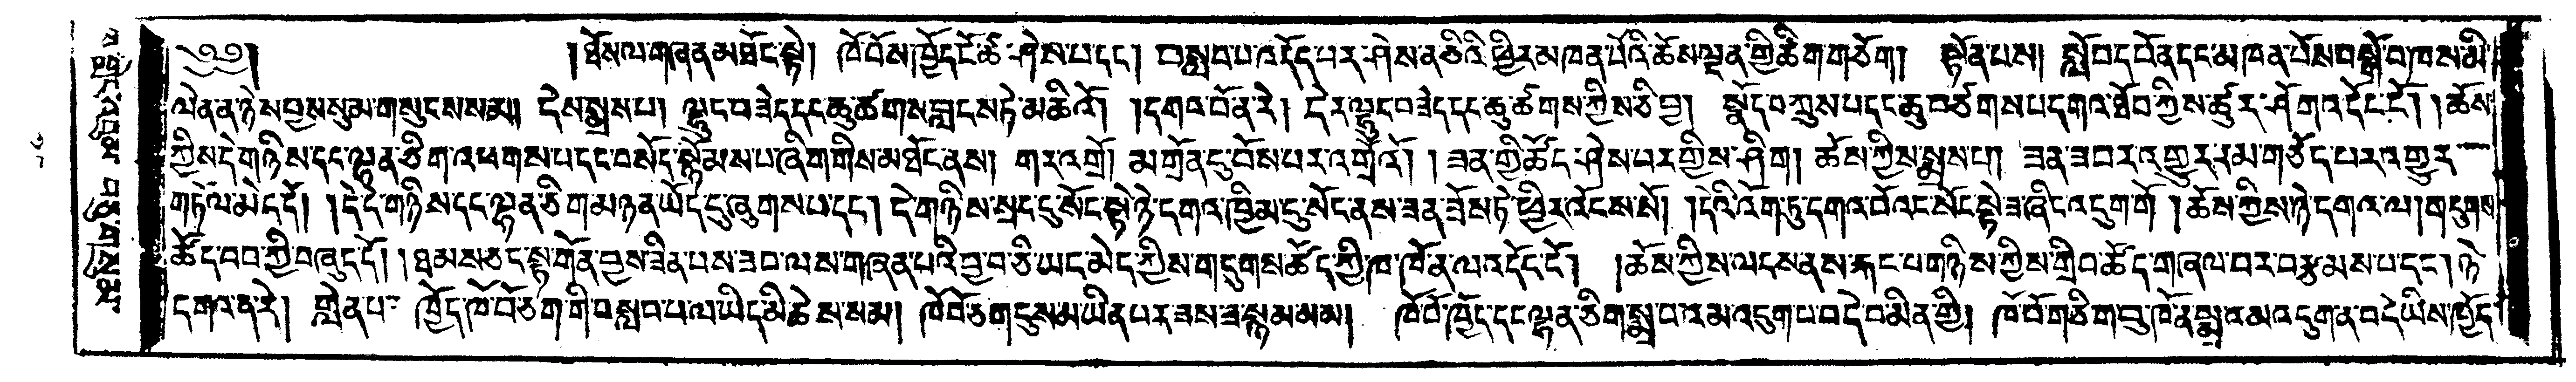༄༅། །ཐོས་ལ་གཞན་མཐོང་སྟེ། ཁོ་བོས་ཁྱོད་ངོ་ཚ་ཤེས་པ་དང་། བསླབ་པ་འདོད་པར་ཤེས་ན་ཅིའི་ཕྱིར་མཁན་པོའི་ཆོས་ལྡན་གྱི་ཚིག་གཅོག། སྟོན་པས། སློབ་དཔོན་དང་མཁན་པོས་བསྒོ་བ་ཁས་མི་
ལེན་ན་ཉེས་བྱས་སུམ་གསུངས་སམ། དེས་སྨྲས་པ། ལྷུང་བཟེད་དང་ཆུ་ཚགས་བླངས་ཏེ་མཆིའོ། །དགའ་བོ་ན་རེ། དེར་ལྷུང་བཟེད་དང་ཆུ་ཚགས་ཀྱིས་ཅི་བྱ། སྣོད་བཀྲུས་པ་དང་ཆུ་བཙགས་པ་དགའ་ཐོབ་ཀྱིས་ཚུར་ཤོག་འདོང་ངོ། །ཆོས་
ཀྱིས་དེ་གཉིས་དང་ལྷན་ཅིག་འཕགས་པ་དང་བསོད་སྙོམས་པ་ཞིག་གིས་མཐོང་ནས། གར་འགྲོ། མགྲོན་དུ་བོས་པར་འགྲོའོ། །ཟན་གྱི་ཚོད་ཤེས་པར་གྱིས་ཤིག། ཆོས་ཀྱིས་སྨྲས་པ། ཟན་ཟ་བར་འགྱུར་རམ་གཅོད་པར་འགྱུར་
གཏོལ་མེད་དོ། །དེ་དེ་གཉིས་དང་ལྷན་ཅིག་མཉན་ཡོད་དུ་ཞུགས་པ་དང་། དེ་གཉིས་སྲང་དུ་སོང་སྟེ་ཉེ་དགའ་ཁྱིམ་དུ་སོང་ནས་ཟན་ཟོས་ཏེ་ཕྱིར་འོངས་སོ། །དེའི་འོག་ཏུ་དགའ་བོའང་སོང་སྟེ་ཟ་ཞིང་འདུག་གོ །ཆོས་ཀྱིས་ཉེ་དགའ་ལ་།གདུགས་
ཚོད་བབ་ཀྱི་བཞུད་དོ། །ཐམས་ཅད་སྟ་གོན་བྱས་ཟིན་པས་ཟབ་ལས་གཞན་པའི་བྱ་བ་ཅི་ཡང་མེད་ཀྱིས་གདུགས་ཚོད་ཀྱི་ཁ་ཁོ་ན་ལ་འདོང་ངོ། །ཆོས་ཀྱིས་ལངས་ནས་རྐང་པ་གཉིས་ཀྱིས་གྲིབ་ཚོད་གཞལ་བར་བརྩམས་པ་དང་། ཉེ་
དགའ་ན་རེ། གླེན་པ༑ ཁྱོད་ཁོ་བོ་ཅག་གི་བསླབ་པ་ལ་ཡིད་མི་ཆེས་སམ། ཁོ་བོ་ཅག་དུས་མ་ཡིན་པར་ཟས་ཟ་སྙམ་མམ། ཁོ་བོ་ཁྱོད་དང་ལྷན་ཅིག་སྨྲ་བ་འམ་འདུག་པ་བདེ་བ་མིན་གྱི། ཁོ་བོ་གཅིག་བུ་ཁོ་ན་སྨྲ་འམ་འདུག་ན་བདེ་ཡིས་ཁྱོད་